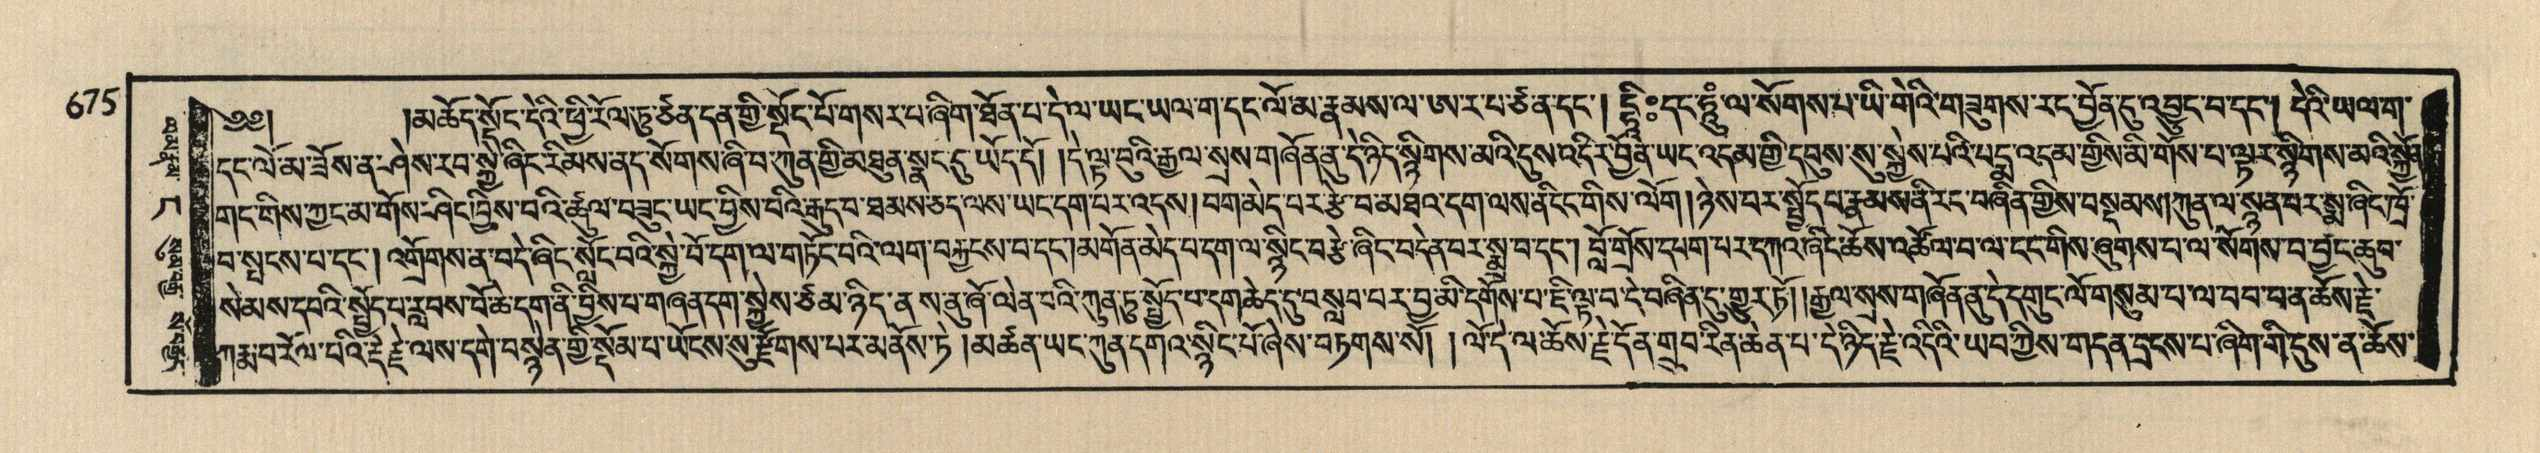༄༅། །མཆོད་སྡོང་དེའི་ཕྱི་རོལ་ཏུ་ཙན་དན་གྱི་སྡོང་པོ་གསར་པ་ཞིག་ཐོན་པ་དེ་ལ་ཡང་ཡལ་ག་དང་ལོ་མ་རྣམས་ལ་ཨ་ར་པ་ཙ་ན་དང་། དྷཱིཿ དང་ཧཱུཾ་ལ་སོགས་པ་ཡི་གེའི་གཟུགས་རང་བྱོན་དུ་འབྱུང་བ་དང་། དེའི་ཡལ་ག་
དང་ལོ་མ་ཟོས་ན་ཤེས་རབ་སྐྱེ་ཞིང་རིམས་ནད་སོགས་ཞི་བ་ཀུན་གྱི་མཐུན་སྣང་དུ་ཡོད་དོ། །དེ་ལྟ་བུའི་རྒྱལ་སྲས་གཞོན་ནུ་དེ་ཉིད་སྙིགས་མའི་དུས་འདིར་བྱོན་ཡང་འདམ་གྱི་དབུས་སུ་སྐྱེས་པའི་པདམ་འདམ་གྱིས་མི་གོས་པ་ལྟར་སྙིགས་མའི་སྐྱོན་
གང་གིས་ཀྱང་མ་གོས་ཤིང་། བྱིས་བའི་ཚུལ་བཟུང་ཡང་བྱིས་པའི་རྒུད་བ་ཐམས་ཅད་ལས་ཡང་དག་པར་འདས། བག་མེད་པར་རྩེ་བ་མཐའ་དག་ལས་ནི་ངང་གིས་ལོག། ཉེས་བར་སྤྱོད་པ་རྣམས་ནི་རང་བཞིན་གྱིས་བསྡམས། ཀུན་ལ་སྙན་པར་སྨ་ཞིང་ཁྲོ་
བ་སྤངས་པ་དང་། འགྲོགས་ན་བདེ་ཞིང་སློང་བའི་སྐྱེ་བོ་དག་ལ་གཏོང་བའི་ལག་བརྐྱངས་བ་དང་། མགོན་མེད་པ་དག་ལ་སྙིང་བརྩེ་ཞིང་བདེན་བར་སྨྲ་བ་དང་། བློ་གྲོས་དཔག་པར་དཀའ་ཞིང་ཆོས་འཚོལ་བ་ལ་ངང་གིས་ཞུགས་པ་ལ་སོགས་བ་བྱང་ཆུབ་
སེམས་དཔའི་སྤྱོད་པ་རླབས་པོ་ཆེན་དག་ནི་བྱིས་པ་གཞན་དག་སྐྱེས་ཙམ་ཉིད་ནས་ནུ་ཞོ་ལེན་བའི་ཀུན་ཏུ་སྤྱོད་པ་དག་ཆེད་དུ་བསླབ་བར་བྱ་མི་དགོས་པ་ཇི་ལྟ་བ་དེ་བཞིན་དུ་གྱུར་ཏོ། །རྒྱལ་སྲས་གཞོན་ནུ་དེ་དགུང་ལོ་གསུམ་པ་ལ་བབ་པ་ན་ཆོས་རྗེ་
ཀརྨ་བ་རོལ་བའི་རྡོ་རྗེ་ལས་དགེ་བསྙེན་གྱི་སྡོམ་པ་ཡོངས་སུ་རྫོགས་པར་མནོས་ཏེ་།མཚན་ཡང་ཀུན་དགའ་སྙིང་པོ་ཞེས་བཏགས་སོ། །ལོ་དེ་ལ་ཆོས་རྗེ་དོན་གྲུབ་རིན་ཆེན་པ་དེ་ཉིད་རྗེ་འདིའི་ཡབ་ཀྱིས་གདན་དྲངས་པ་ཞིག་གི་དུས་ན་ཆོས་